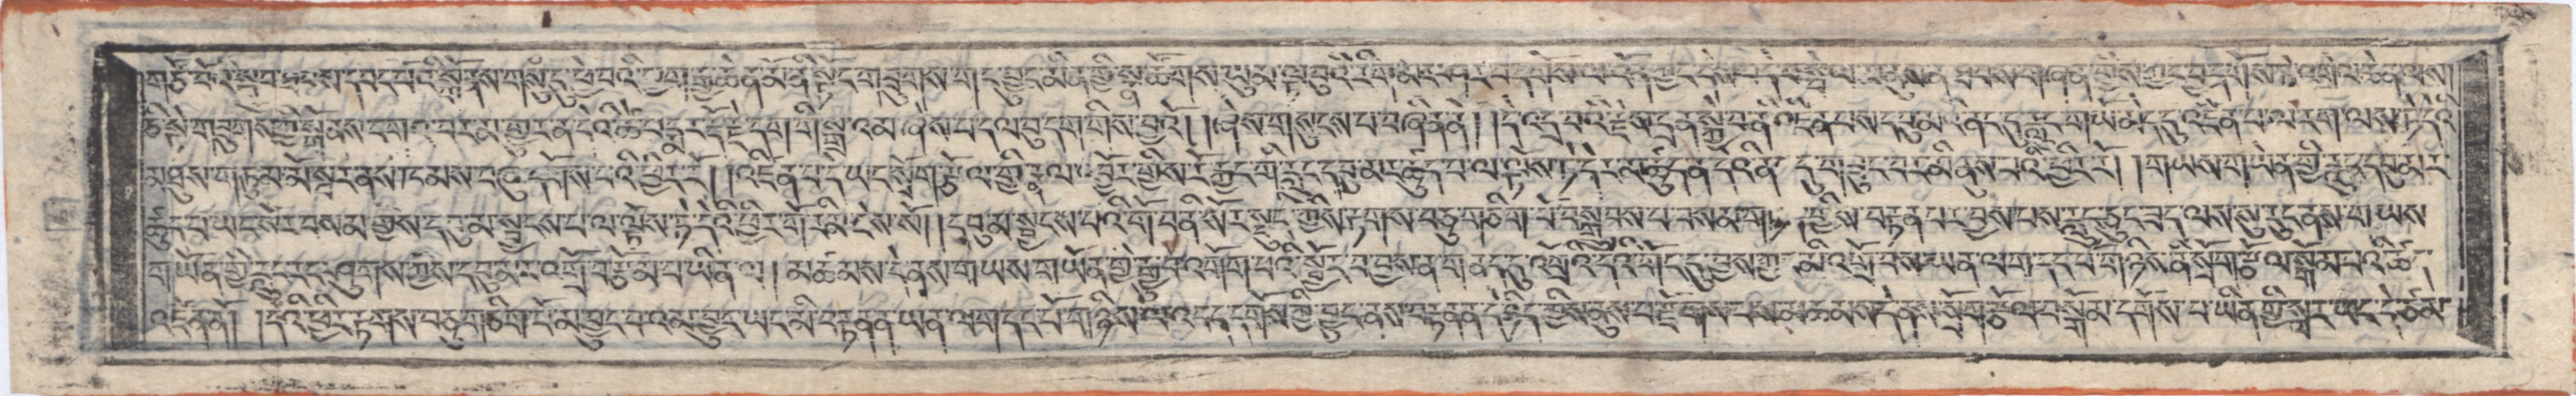གཙོ་བོའི་སྒྲུབ་ཐབས་དབང་པོའི་སྒོ་ནས་གསུམ་དུ་ཕྱེ་བའི་ཕྱག་རྒྱ་ཆེན་མོ་ནི་སྟོང་གཟུགས་གང་བྱུང་མིན་གྱི་སྣ་ཚོགས་ཡུམ་ལྟ་བུའི་རིག་མར་ཤར་བ་དགོས་ལ་འོན་ཀྱང་དེས་བདེ་བ་སྤེལ་མ་ནུས་ན་ཐབས་གཞན་གྱིས་ཀྱང་བྱ་དགོས་ཏེ་འགྲེལ་ཆེན་ལས།
ཅི་སྟེ་གཟུགས་ཀྱི་སྒོ་ནས་དགའ་བར་མ་གྱུར་ན་དེའི་ཚེ་པདམར་རྡོ་རྗེ་དག་གི་སྒྲ་འམ་ཞེས་པ་དལ་བུ་དག་གིས་བྱའོ། །ཞེས་གསུངས་པ་བཞིན་ནོ། །དེ་འདྲ་བའི་རྗེས་དྲན་སྐྱེ་བ་ནི་འཛིན་པས་དབུ་མའི་ནང་དུ་རླུང་གཡོ་མེད་དུ་འཛིན་པ་ལ་རག་ལས་ཏེ་དེའི་
མཐུས་མོ་སྦར་ནས་ཁམས་བཞུ་དགོས་པའི་ཕྱིར་རོ། །འཛིན་པ་དེ་ཡང་སྲོག་རྩོལ་གྱི་རྣལ་འབྱོར་གྱིས་རོ་རྐྱང་གི་རླུང་དབུ་མར་ཚུད་པ་ལ་ལྟོས་ཏེ་དེར་མ་ཚུད་ན་དེའི་ནང་དུ་གཟུང་བར་མི་ནུས་པའི་ཕྱིར་རོ། །གཡས་གཡོན་གྱི་རླུང་དབུ་མར་
ཚུད་པ་ཡང་སོར་བསམ་གྱིས་དབུ་མ་སྦྱངས་པ་ལ་ལྟོས་ཏེ་དེའི་ཕྱིར་གོ་རིམ་ངེས་སོ། །དབུ་མ་སྦྱངས་པའི་གོ་བ་ནི་སོར་སྡུད་ཀྱིས་རྟགས་བཅུ་གཅིག་པོ་བསྒྲུབས་པ་བསམ་གཏན་གྱིས་བརྟན་པར་བྱས་པས་རླུང་ཅུང་ཟད་ལས་སུ་རུང་ནས་གཡས་
གཡོན་གྱི་རླུང་རང་ཤུགས་ཀྱིས་དབུ་མར་འགྲོ་བ་རྩོམ་པ་ཡིན་ལ། མཚམས་དེ་ནས་གཡས་གཡོན་གྱི་རྒྱུ་བ་འགོག་པའི་སྦྱོར་བ་བྱས་ན་གནད་དུ་འགྲོའི་དེའི་གོང་དུ་བྱས་ཀྱང་མི་འགྲོ་བས་ཡན་ལག་དང་པོ་གཉིས་ནི་སྲོག་རྩོལ་སྒོམ་པའི་ཚད་
འཛིན་ནོ། །དེའི་ཕྱིར་རྟགས་བཅུ་གཅིག་པོ་མ་བྱུང་བ་འམ་བྱུང་ཡང་མི་བརྟན་ན་ཡན་ལག་དང་པོ་གཉིས་ལ་འབད་དགོས་ཀྱི་བྱུང་ནས་བརྟན་ན་དེ་ཉིད་ཀྱིས་ནུས་པ་རྫོགས་པས་མཚམས་དེ་ནས་སྲོག་རྩོལ་བསྒོམ་དགོས་པ་ཡིན་གྱི་སླར་ཡང་དེ་ཙམ་